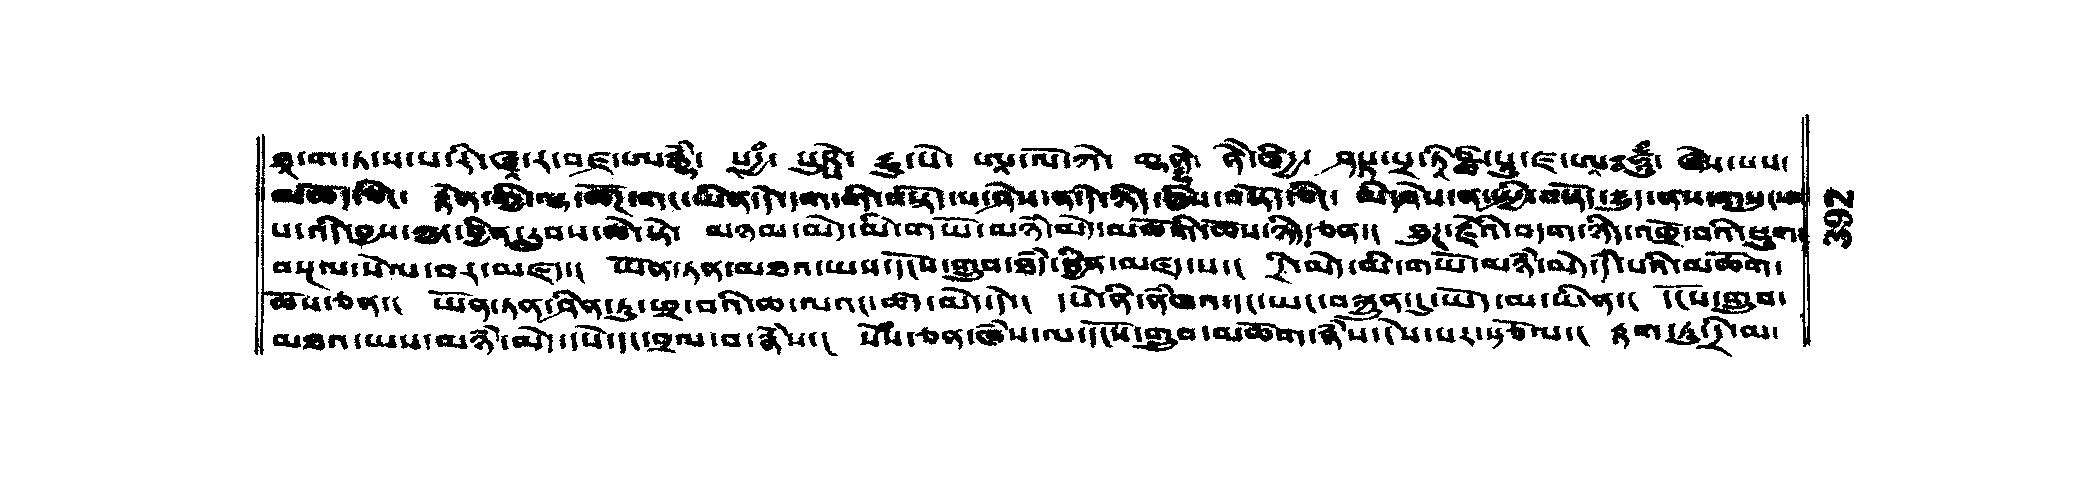ཐཱ་ག་ཏ་ས་པ་རི་ཝཱ་ར་བཛྲ་ཨརྒྷམ། པདྱཾ། པུཥྤེ། དྷུ་པེ། ཨཱ་ལོ་ཀེ གྷནྡྷེ། ནཻ་ཝིདྱ། ཤཔྟ་པྲ་ཏཱིཙྪ་པཱུ་ཛ་ཨཱཿཧཱུྃ། ཞེས་པས་
མཆོད་ཅིང་། རྟེན་གྱི་ལྷ་ཚོགས་གང་ཡིན་དེ་དག་གི་བསྟོད་པ་ཤེས་ན་དེ་ཉིད་ཀྱིས་བསྟོད་ཅིང་། མི་ཤེས་ན་སྤྱི་བསྟོད་རྒྱུད་ནས་གསུངས་
པ་འདི་བྱས་ཀྱང་བྱིན་རླབས་ཆེ་སྟེ། མཉམ་མེད་མི་གཡོ་མཉམ་མེད་མཆོག་གི་ཆོས་ཉིད་ཅན། །ཐུགས་རྗེའི་བདག་ཉིད་འགྲོ་བའི་སྡུག་
བསྔལ་སེལ་བར་མཛད། །ཡོན་ཏན་མཐའ་ཡས་དངོས་གྲུབ་ཐམས་ཅད་སྦྱིན་མཛད་པ། །དྲི་མེད་མི་གཡོ་མཉམ་མེད་དམ་པའི་མཆོག་
ཆོས་ཅན། །ཡོན་ཏན་ཤིན་ཏུ་ཕྲ་བའི་ཆ་ལའང་ཚད་མེད་དེ། །དཔེ་ནི་ནམ་མཁའ་དང་ཡང་བསྐྲུན་དུ་ཡོད་མ་ཡིན། །དངོས་གྲུབ་
མཐའ་ཡས་མཉམ་མེད་དཔེ་དང་བྲལ་བ་རྣམས། །སེམས་ཅན་ཁམས་ལ་དངོས་གྲུབ་མཆོག་རྣམས་ངེས་པར་སྩོལ། །རྟག་ཏུ་དྲི་མ་